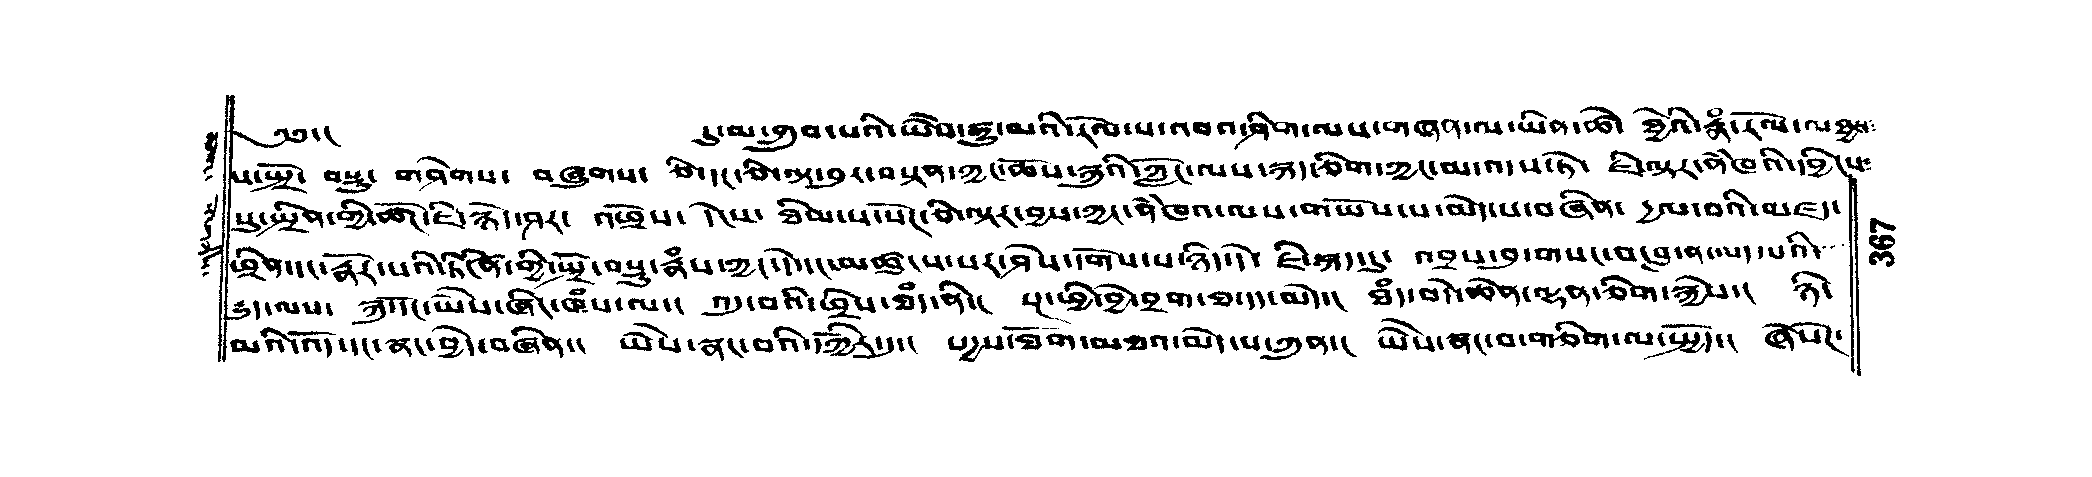དུ་མ་གྲུབ་པའི་ཡེ་ཤེས་སྒྱུ་མའི་རོལ་པ་འབའ་ཤིག་ལས་གཞན་མ་ཡིན་ཚེ། ཐུགས་རྗེའི་རྣམ་རོལ་མཐའ་ཡས་
པར་སྤྲོ། བསྡུ། གཤེགས། བཞུགས། ཅི་དང་ཅི་ལྟ་བུར་བསྟན་ཀྱང་ཆོས་སྐུའི་ཀློང་ལས་་སྐད་ཅིག་ཀྱང་མ་འདས་ཏེ། ཇི་ལྟར་ནམ་མཁའི་དབྱིངས་
སུ་སྤྲིན་གྱི་ཚོང་ཇི་སྙེད་ཤར། འཕྲོས། དེངས། ཐིམ་པ་སོགས་ཅི་ལྟར་བྱས་ཀྱང་ནམ་མཁའི་ལས་གཡོས་པ་མེད་པ་བཞིན། རྒྱལ་བའི་མཛད་
ཕྲིན་དང་རྣལ་འབྱོར་པའི་ཏིང་ངེ་འཛིན་གྱི་སྤྲོ་བསྡུ་རྣམས་ཀྱང་དེ་དང་མཚུངས་པར་ཤེས་དགོས་པ་ཉིད་དེ། ཇི་སྐད་དུ། འབྲས་བུ་གསང་བ་བླ་ན་མེད་པའི་
རྒྱུད་ལས། སྐུ་དང་ཡེ་ཤེས་ཞིང་ཁམས་ལ། །འདུ་བའི་ཕྲིན་ལས་ཐམས་ཅད་ནི། །སྔ་ཕྱི་བྱེ་བྲག་ཐ་དད་མེད། །ཐམས་ཅད་བདེ་ཆེན་ལྷན་ཅིག་སྐྱེས། །ཉི་
མའི་འོད་དང་སྣང་བྱེད་བཞིན། །ཡེ་ཤེས་སྣང་བའི་དཀྱིལ་འཁོར་དུ། །སངས་རྒྱས་ཐོག་་མཐའ་མེད་པ་ཀུན། །ཡེ་ཤེས་སྣང་བ་གཅིག་ལ་སྤྱོད། །ཞེས་སོགས་